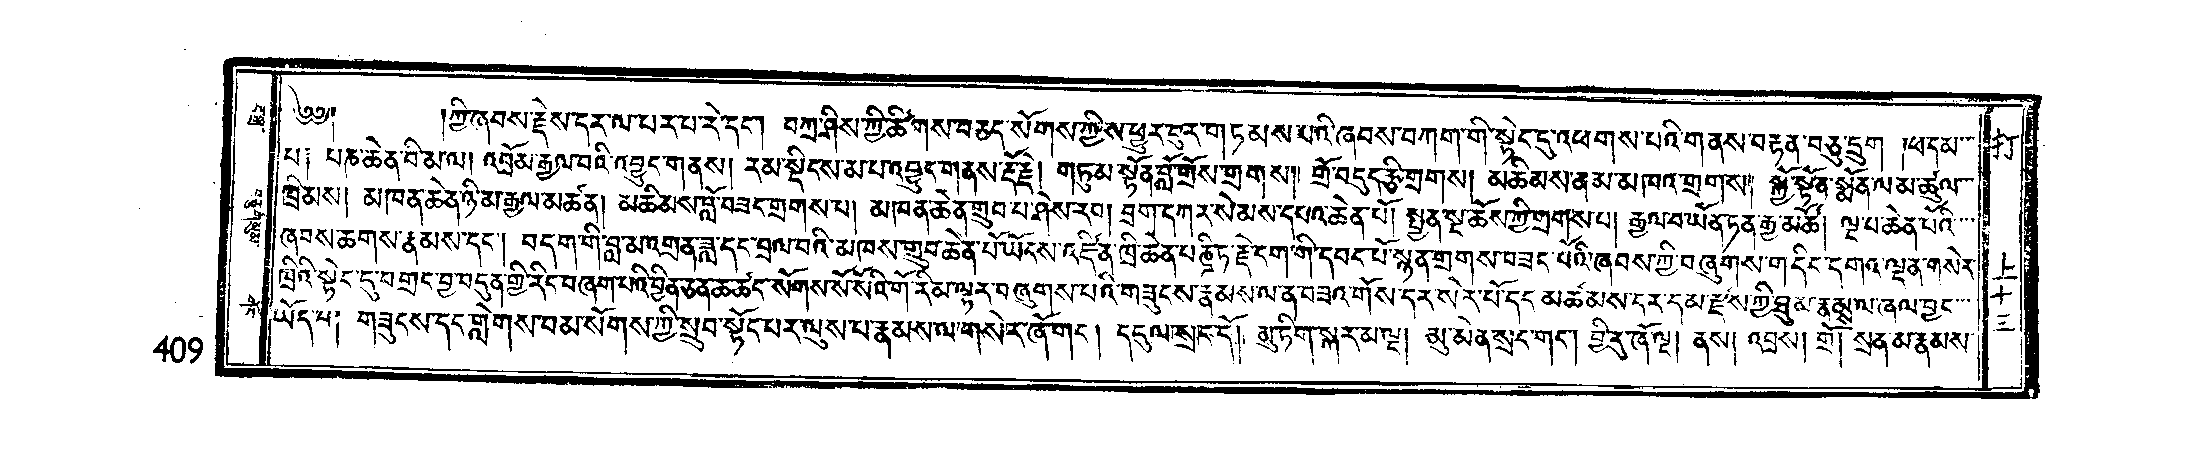༄༅། །ཀྱི་ཞབས་རྗེས་དར་ལ་པར་པ་རེ་དང་། བཀྲ་ཤིས་ཀྱི་ཚིགས་བཅད་སོགས་ཀྱིས་ཕྱུར་བུར་གཏམས་པའི་ཞབས་བཀག་གི་སྟེང་དུ་འཕགས་པའི་གནས་བརྟན་བཅུ་དྲུག །ཕ་དམ་
པ། པཎ་ཆེན་བི་མ་ལ། འབྲོམ་རྒྱལ་བའི་འབྱུང་གནས། རམ་སྡིངས་མ་པ་འབྱུང་གནས་རྡོ་རྗེ། གཏུམ་སྟོན་བློ་གྲོས་གྲགས། གྲོ་བདུད་རྩི་གྲགས། མཆིམས་ནམ་མཁའ་གྲགས། སྐྱོ་སྟོན་སྨོན་ལམ་ཚུལ་
ཁྲིམས། མཁན་ཆེན་ཉི་མ་རྒྱལ་མཚན། མཆིམས་བློ་བཟང་གྲགས་པ། མཁན་ཆེན་གྲུབ་པ་ཤེས་རབ། བྲག་དཀར་སེམས་དཔའ་ཆེན་པོ། སྤྱན་སྔ་ཆོས་ཀྱི་གྲགས་པ། རྒྱལ་བ་ཡོན་ཏན་རྒྱ་མཚོ། ལྔ་པ་ཆེན་པོའི་
ཞབས་ཆགས་རྣམས་དང་། བདག་གི་བླ་མ་འགྲན་ཟླ་དང་བྲལ་བའི་མཁས་གྲུབ་ཆེན་པོ་ཡོངས་འཛིན་ཁྲི་ཆེན་པཎྜི་ཏ་རྗེ་ངག་གི་དབང་པོ་སྙན་གྲགས་བཟང་པོའི་ཞབས་ཀྱི་བཞུགས་གདིང་དགའ་ལྡན་གསེར་
ཁྲིའི་སྟེང་དུ་བགྲང་བྱ་བདུན་གྱི་རིང་བཞག་པའི་བྱིན་ཅན་ཆ་ཚང་སོགས་སོ་སོའི་གོ་རིམ་ལྟར་བཞུགས་པའི་གཟུངས་རྣམས་ལ་ན་བཟའ་གོས་དར་སེར་པོ་དང་མཚམས་དར་དམ་རྫས་ཀྱི་ཐུམ་རྣམས་ལ་ཞལ་བྱང་
ཡོད་པ། གཟུངས་དང་གླེགས་བམ་སོགས་ཀྱི་སྲུབ་སྟོང་པར་ལུས་པ་རྣམས་ལ་གསེར་ཞོ་གང་། དངུལ་སྲང་དོ། མུ་ཏིག་སྐར་མ་ལྔ། མུ་མེན་སྲང་གང་། བྱི་རུ་ཞོ་ལྔ། ནས། འབྲས། གྲོ། སྲན་མ་རྣམས་